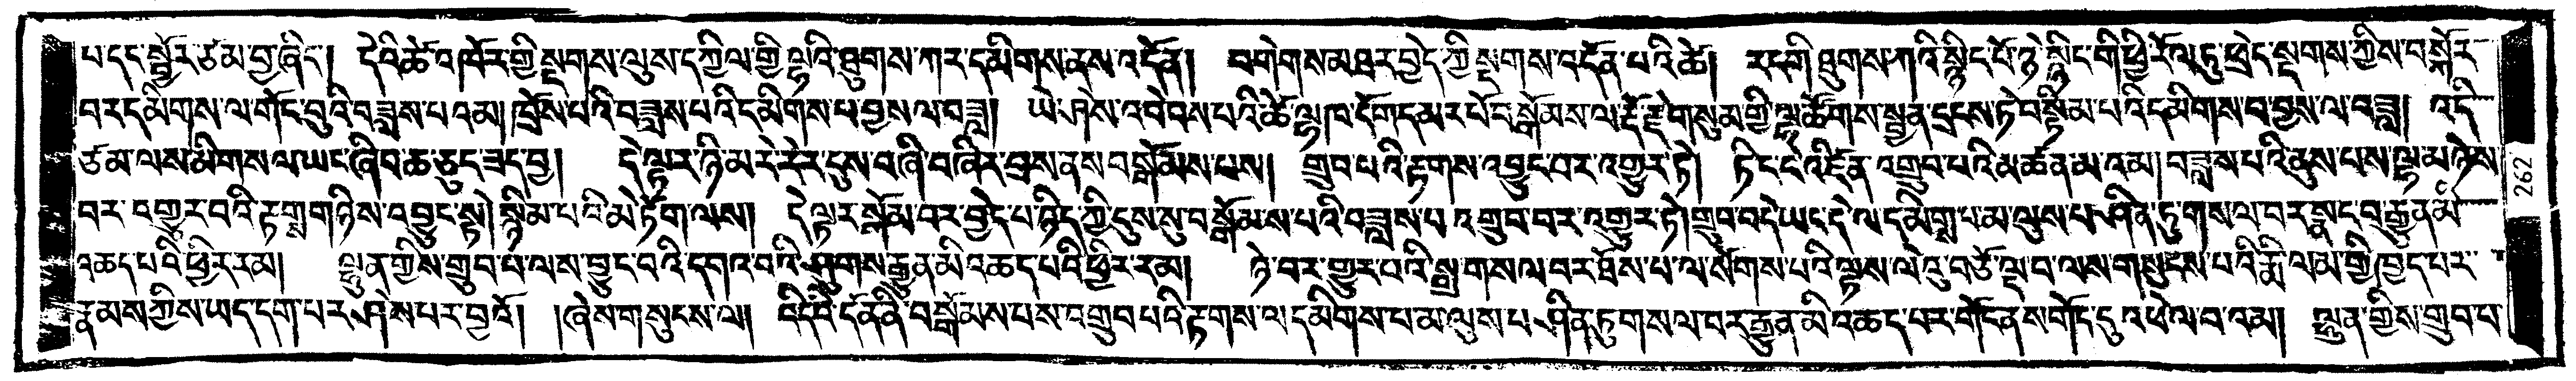པ་དང་སྦྱོར་ཙམ་བྱ་ཞིང་། དེའི་ཚེ་འཁོར་གྱི་སྔགས་ལུས་དཀྱིལ་གྱི་ལྷའི་ཐུགས་ཀར་དམིགས་ནས་འདོན། བགེགས་མཐར་བྱེད་ཀྱི་སྔགས་འདོན་པའི་ཚེ། རང་གི་ཐུགས་ཀའི་སྙིང་པོ་ཉེ་སྙིང་གི་ཕྱི་རོལ་ཏུ་ཕྲེང་སྔགས་ཀྱིས་བསྐོར་
བར་དམིགས་ལ་གོང་བུའི་བཟླས་པའམ། ཁྲོས་པའི་བཟླས་པའི་དམིགས་པ་བྱས་ལ་བཟླ། ཡེ་ཤེས་འབེབས་པའི་ཚེ་ལྷ་ཁ་དོག་དམར་པོ་བསྒོམས་ལ་རྡོ་རྗེ་གསུམ་གྱི་ལྷ་ཚོགས་སྤྱན་དྲངས་ཏེ་བསྟིམ་པའི་དམིགས་པ་བྱས་ལ་བཟླ། འདི་
ཙམ་ལས་མི་གསལ་ཡང་ཞིབ་ཆ་ཅུང་ཟད་བྱ། དེ་ལྟར་ཉི་མ་རེ་རེར་དུས་བཞི་བཞིར་བྲས་ནས་བསྒོམས་པས། གྲུབ་པའི་རྟགས་འབྱུང་བར་འགྱུར་ཏེ། ཏིང་ངེ་འཛིན་འགྲུབ་པའི་མཚན་མ་འམ། བཟླས་པའི་ནུས་པས་ལྷ་མཉེས་
བར་འགྱུར་བའི་རྟགས་གཉིས་འབྱུང་སྟེ། སྙིམ་པའི་མེ་ཏོག་ལས། དེ་ལྟར་སྒོམ་པར་བྱེད་པ་ཉིད་ཀྱི་དུས་སུ་བསྒོམས་པའི་བཟླས་པ་འགྲུབ་པར་འགྱུར་ཏེ། གྲུབ་བདེ་ཡང་དེ་ལ་དམིགས་པ་མ་ལུས་པ་ཤིན་ཏུ་གསལ་བར་སྣང་བ་རྒྱུན་མི་
འཆད་པའི་ཕྱིར་རམ། ལྷུན་གྱིས་གྲུབ་པ་ལས་བྱུང་བའི་དགའ་བའི་ཤུགས་རྒྱུན་མི་འཆད་པའི་ཕྱིར་རམ། ཉེ་བར་གྲུབ་པའི་སྒྲ་གསལ་བར་ཐོས་པ་ལ་སོགས་པའི་ལྟས་ལེའུ་བཅོ་ལྔ་བ་ལས་གསུངས་པའི་རྨི་ལམ་གྱི་ཁྱད་པར་
རྣམས་ཀྱིས་ཡང་དག་པར་ཤེས་པར་བྱའོ། །ཞེས་གསུངས་ལ། འདིའི་དོན་ནི་བསྒོམས་པས་འགྲུབ་པའི་རྟགས་ལ་དམིགས་པ་མ་ལུས་པ་ཤིན་ཏུ་གསལ་བར་རྒྱུན་མི་འཆད་པར་གོང་ནས་གོང་དུ་འཕེལ་བ་འམ། ལྷུན་གྱིས་གྲུབ་པ་